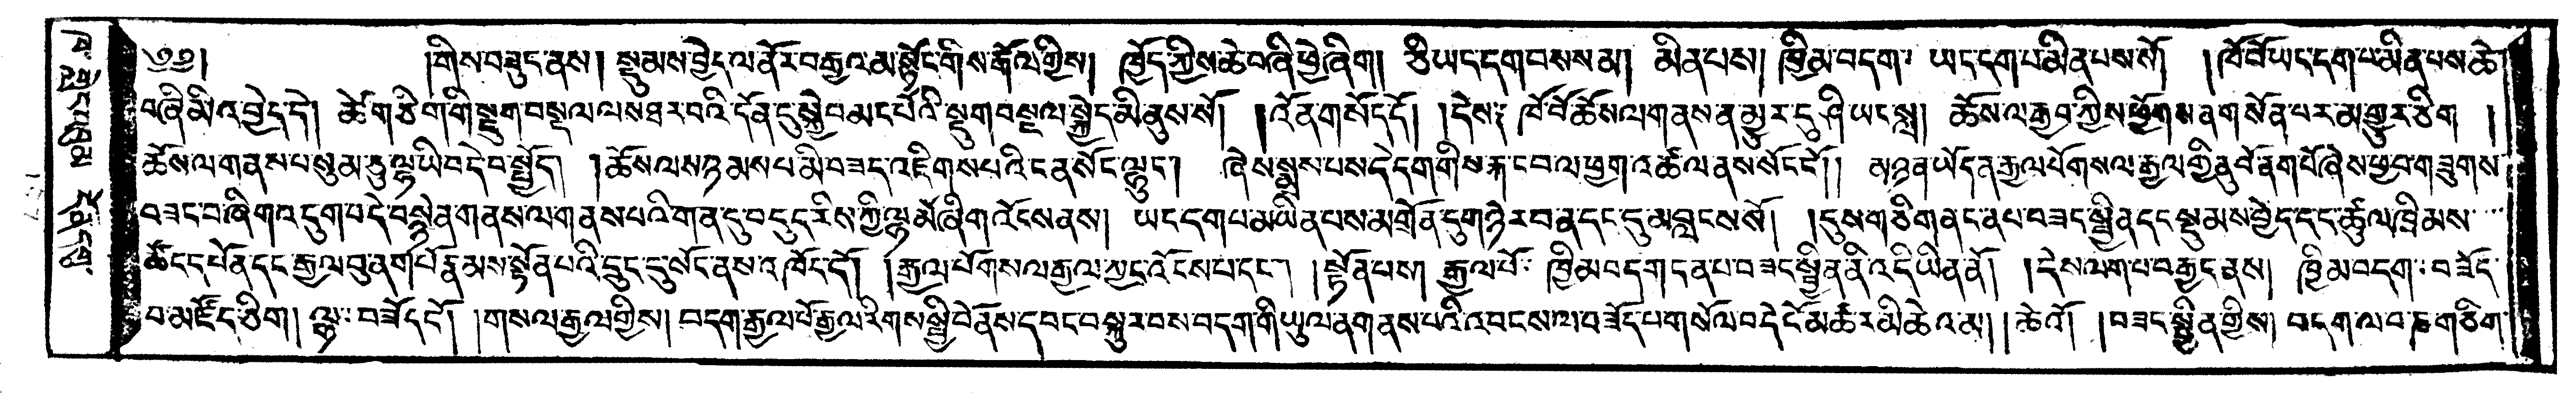༄༅། །གིས་བཟུང་ནས། སྡུམས་བྱེད་ལ་ནོར་བརྒྱལ་མ་སྟོང་གིས་རྒོལ་གྱིས། ཁྱོད་ཀྱིས་ཆེ་བཞི་ཕྱེ་ཞིག། ཅི་ཡང་དག་བས་སམ། མིན་པས། ཁྱིམ་བདག་ཡང་དག་པ་མིན་པས་སོ། །ཁོ་བོ་ཡང་དག་པ་མིན་པས་ཆེ་
བཞི་མི་འབྱེད་དེ། ཚེ་གཅིག་གི་སྡུག་བསྔལ་ལས་ཐར་བའི་དོན་དུ་སྐྱེ་བ་མང་པོའི་སྡུག་བསྔལ་སྐྱེད་མི་ནུས་སོ། །འོ་ན་གསོད་དོ། །དེས༑ ཁོ་བོ་ཆོས་ལ་གནས་ན་མྱུར་དུ་ཤི་ཡང་སླ། ཆོས་ལ་རྒྱབ་ཀྱིས་ཕྱོགས་ན་གསོན་པར་མ་གྱུར་ཅིག །
ཆོས་ལ་གནས་པ་སུམ་ཅུ་ལྷ་ཡི་བདེ་བ་སྤྱོད། །ཆོས་ལས་ཉམས་པ་མི་བཟད་འཇིགས་པའི་ངན་སོང་ལྷུང་། ཞེས་སྨྲས་པས་དེ་དག་གིས་རྐང་བ་ལ་ཕྱག་འཚལ་ནས་སོང་ངོ། །མཉན་ཡོད་ན་རྒྱལ་བོ་གསལ་རྒྱལ་གྱི་ནུ་བོ་ནག་པོ་ཞེས་ཕྱབ་གཟུགས་
བཟང་བ་ཞིག་འདུག་པ་དེ་བསྙེན་གནས་ལ་གནས་པའི་གན་དུ་བདུད་རིས་ཀྱི་ལྷ་མོ་ཞིག་འོངས་ནས། ཡང་དག་པ་མ་ཡིན་པས་མགྲོན་དུ་གཉེར་བ་ན་དང་དུ་མ་བླངས་སོ། །དུས་གཅིག་ནང་ན་པ་བཟང་སྦྱིན་དང་སྡུམས་བྱེད་དང་ཚུལ་ཁྲིམས་
ཚོང་དཔོན་དང་རྒྱལ་བུ་ནག་པོ་རྣམས་སྟོན་པའི་དྲུང་ངུ་སོང་ནས་འཁོད་དོ། །རྒྱལ་པོ་གསལ་རྒྱལ་ཀྱང་འོངས་པ་དང་། །སྟོན་པས། རྒྱལ་པོ་ཁྱིམ་བདག་ངན་པ་བཟང་སྦྱིན་ནི་འདི་ཡིན་ནོ། །དེས་ལག་པ་བརྒྱད་ནས། ཁྱིམ་བདག་བཟོད་
བ་མཛོད་ཅིག། ལྷ་བཟོད་དོ། །གསལ་རྒྱལ་གྱིས། བདག་རྒྱལ་པོ་རྒྱལ་རིགས་སྤྱི་བོ་ནས་དབང་བསྐུར་བས་བདག་གི་ཡུལ་ནག་ནས་པའི་འབངས་ལ་བཟོད་པ་གསོལ་བདེ་ངོ་མཚར་མི་ཆེའམ། །ཆེའོ། །བཟང་སྦྱིན་གྱིས། བདག་ལ་བ་ཎ་གཅིག་